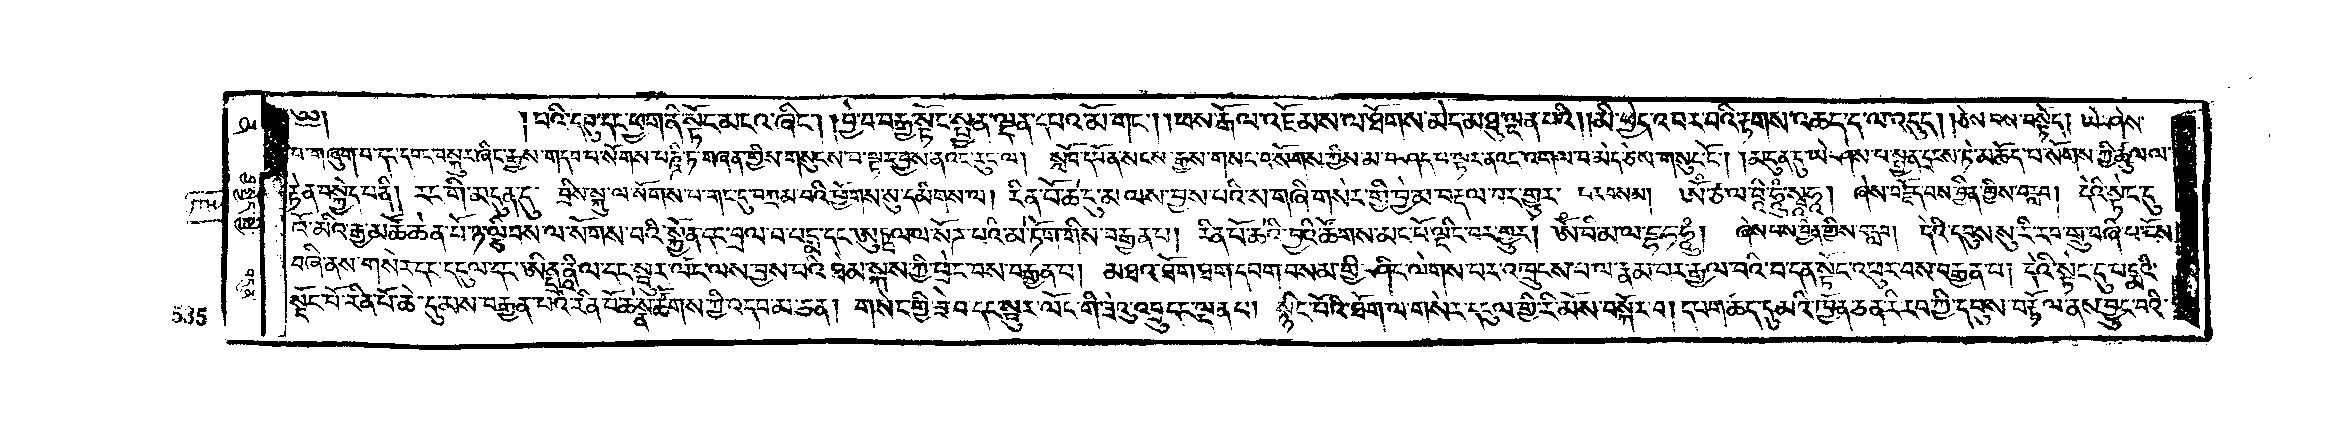༄༅། །པའི་དབུ་དང་ཕྱག་ནི་སྟོང་མངའ་ཞིང་། །བྱེ་བ་བརྒྱ་སྟོང་སྤྱན་ལྡན་དཔའ་མོ་གང་། །ཕས་རྒོལ་འཇོམས་ལ་ཐོགས་མེད་མཐུ་ལྡན་པའི། །མི་ཕྱེད་འབར་བའི་རྟགས་འཆད་དེ་ལ་འདུད། །ཅེས་པས་བསྟོད། ཡེ་ཤེས་
པ་གཞུག་པ་དང་དབང་བསྐུར་ཞིང་རྒྱས་གདབ་པ་སོགས་པཎྜི་ཏ་གཞན་གྱིས་གསུངས་པ་ལྟར་བྱས་ནའང་རུང་ལ། སློབ་དཔོན་སངས་རྒྱས་གསང་བ་སོགས་ཀྱིས་མ་བཤད་པ་ལྟར་ནའང་འགལ་བ་མེད་ཅེས་གསུང་ངོ། །མདུན་དུ་ཡེ་ཤེས་པ་སྤྱན་དྲངས་ཏེ་མཆོད་པ་སོགས་ཀྱི་ཚུལ་ལ
རྟེན་བསྐྱེད་པ་ནི། རང་གི་མདུན་དུ་བྲིས་སྐུ་ལ་སོགས་པ་གང་དུ་བཀྲམ་པའི་ཕྱོགས་སུ་དམིགས་ལ། རིན་པོ་ཆེ་དུ་མ་ལས་བྱས་པའི་ས་གཞི་གསེར་གྱི་བྱེ་མ་བརྡལ་བར་གྱུར་པར་བསམ། ཨོཾ་ཙ་ལ་བཱི་ཧཱུཾ་སྭཱ་ཧཱ། ཞེས་བརྗོད་པས་བྱིན་གྱིས་བརླབ། དེའི་སྟེང་དུ་
འོ་མའི་རྒྱ་མཚོ་ཆེན་པོ་ཉ་ལྕིབས་ལ་སོགས་པའི་སྐྱོན་དང་བྲལ་པ་པདམ་དང་ཨུཏྤལ་ལ་སོཌ་པའི་མེ་ཏོག་གིས་བརྒྱན་པ། རིན་པོ་ཆེའི་བྱའི་ཚོགས་མང་པོ་ལྡིང་བར་གྱུར། ཨོཾ་བི་མ་ལ་དྷ་ཧ་ཧཱུཾ། ཞེས་པས་བྱིན་གྱིས་བརླབ། དེའི་དབུས་སུ་རི་རབ་གྲུ་བཞིན་པ་ངོས་
བཞི་ནས་གསེར་དང་དངུལ་དང་ཨིཎྜྲ་ནཱི་ལ་དང་སྦུར་ལོང་ལས་བྱས་པའི་ཐེམ་སྐས་ཀྱི་ཕྲེང་བས་བརྒྱན་པ། མཐའ་ཐོག་ཐག་དཔག་བསམ་གྱི་ཤིང་ལེགས་པར་འཁྲུངས་པ་ལ་རྣམ་པར་རྒྱལ་བའི་བ་དན་སྟོང་འཕུར་བས་བརྒྱན་པ། དེའི་སྟེང་དུ་པདམའི་
སྡོང་པོ་རིན་པོ་ཆེ་དུ་མས་བརྒྱན་པའི་རིན་པོ་ཆེ་སྣ་ཚོགས་ཀྱི་འདབ་མ་ཅན། གསེར་གྱི་ཟ་བ་དང་སྦུར་ལོང་གི་ཟེའུ་འབྲུ་དང་ལྡན་པ། སྙིང་པོའི་ཐོག་ལ་གསེར་དངུལ་གྱི་རི་མོས་བསྐོར་བ། དཔག་ཚད་དུ་མའི་ཁྱོན་ཅན་རི་རབ་ཀྱི་དབུས་བརྟོལ་ནས་བྱུང་བའི་